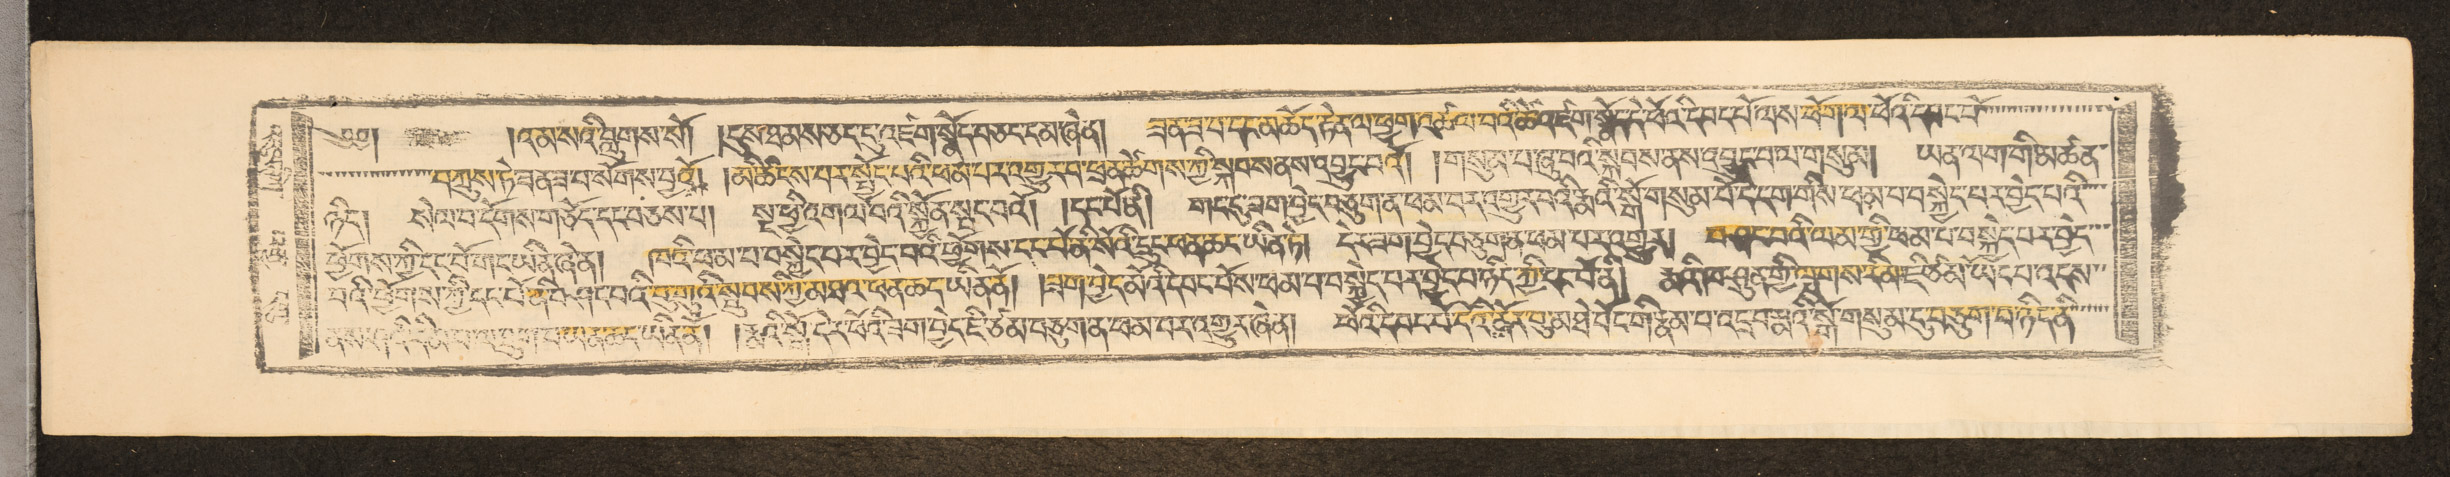༄༅། །འམ་སའི་བླུགས་སོ། །དུས་ཐམས་ཅད་དུ་འཛག་སྣོད་བཅང་ངམ་ཞེ་ན། ཟན་ཟ་བ་དང་མཆོད་རྟེན་ལ་ཕྱག་འཚལ་བའི་ཚེ་འཛག་སྣོད་དེ་ཕོའི་དབང་པོ་ལས་ཕོག་ལ་ཕོའི་དབང་པོ་
བཀྲུས་ཏེ་ཟན་ཟ་བ་སོགས་བྱའོ། །མི་ཚངས་པར་སྤྱོད་པའི་ཕམ་པར་འགྱུར་བ་ཕྲན་ཚེགས་ཀྱི་སྐབས་ནས་འབྱུང་བའོ། །གསུམ་པ་ཞུ་བའི་སྐབས་ནས་འབྱུང་བ་ལ་གསུམ། ཡན་ལག་གི་མཚན་
ཉིད། སེལ་བ་དོགས་གཅོད་དང་བཅས་པ། སྔ་ཕྱི་འགལ་བའི་སྐྱོན་སྤང་བའོ། །དང་པོ་ནི། གང་དུ་ཟག་བྱེད་བཅུག་ན་ཕམ་པར་འགྱུར་བའི་རྨའི་སྒོ་གསུམ་པོ་དེ་དག་གིས་ཕམ་པ་བསྐྱེད་པར་བྱེད་པའི་
ཕྱོགས་ཀྱི་དང་པོ་གང་ཡིན་ཞེ་ན། ཁའི་ཕམ་པ་བསྐྱེད་པར་བྱེད་པའི་ཕྱོགས་དང་པོ་ནི་སོའི་དྲུང་ཕན་ཆད་ཡིན་ཏེ། དེར་ཟག་བྱེད་བཅུག་ན་ཕམ་པར་འགྱུར། བཤད་པའི་ལམ་གྱི་ཕམ་པ་བསྐྱེད་པར་བྱེད་
པའི་ཕྱོགས་ཀྱི་དང་པོ་ནི་བཤད་པའི་བུ་གུའི་སྦུབས་ཀྱི་མཐའ་ཕན་ཆད་ཡིན་ནོ། །ཟག་བྱེད་མོའི་དབང་པོས་ཕམ་པ་བསྐྱེད་པར་བྱེད་པ་ཉིད་ཀྱི་དང་པོ་ནི། རྨའི་ཁ་ཤུན་གྱི་ལྤགས་རིམ་ཇི་ཙམ་ཡོད་པ་འདས་
ནས་ཤའི་རིམ་པ་ལ་ཐུག་པ་ཡན་ཆད་ཡིན་ནོ། །རྨའི་སྒོ་དེར་ཕོའི་ཟག་བྱེད་ཇི་ཙམ་བཅུག་ན་ཕམ་པར་འགྱུར་ཞེ་ན། ཕོའི་དབང་པོ་དེའི་ནོར་བུ་མཐེ་བོང་གི་རྣམ་པ་འདྲ་བ་རྨའི་སྒོ་གསུམ་དུ་བཅུག་པ་ཉིད་ནི་